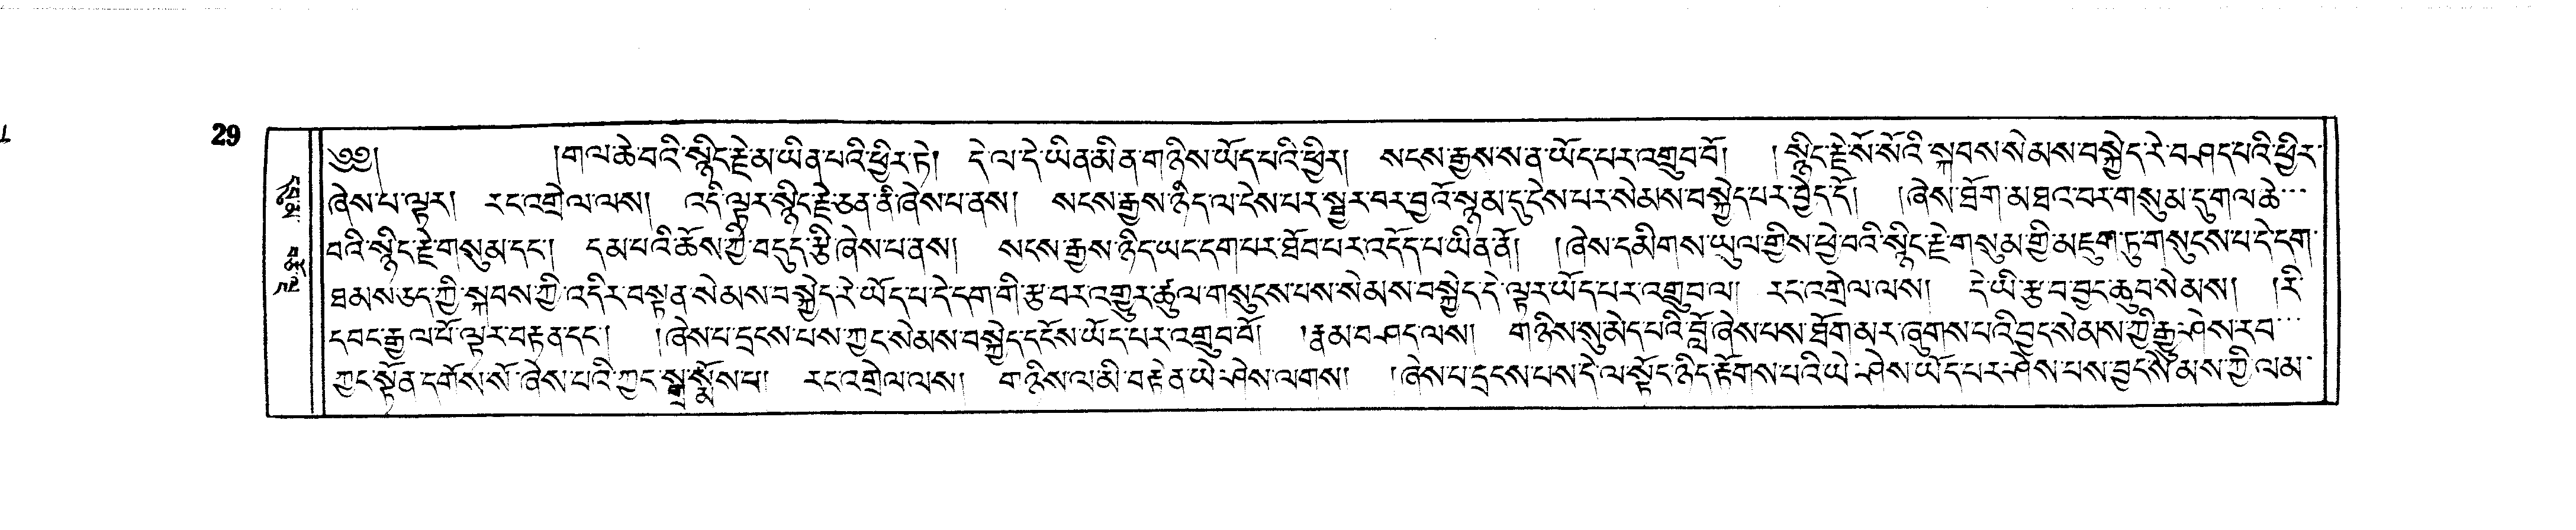༄༅། །གལ་ཆེ་བའི་སྙིང་རྗེ་མ་ཡིན་པའི་ཕྱིར་ཏེ། དེ་ལ་དེ་ཡིན་མིན་གཉིས་ཡོད་པའི་ཕྱིར། སངས་རྒྱས་ས་ན་ཡོད་པར་འགྲུབ་བོ། །སྙིང་རྗེ་སོ་སོའི་སྐབས་སེམས་བསྐྱེད་རེ་བཤད་པའི་ཕྱིར་
ཞེས་པ་ལྟར། རང་འགྲེལ་ལས། འདི་ལྟར་སྙིང་རྗེ་ཅན་ནི་ཞེས་པ་ནས། སངས་རྒྱས་ཉིད་ལ་ངེས་པར་སྦྱར་བར་བྱའོ་སྙམ་དུ་ངེས་པར་སེམས་བསྐྱེད་པར་བྱེད་དོ། །ཞེས་ཐོག་མཐའ་བར་གསུམ་དུ་གལ་ཆེ་
བའི་སྙིང་རྗེ་གསུམ་དང་། དམ་པའི་ཆོས་ཀྱི་བདུད་རྩི་ཞེས་པ་ནས། སངས་རྒྱས་ཉིད་ཡང་དག་པར་ཐོབ་པར་འདོད་པ་ཡིན་ནོ། །ཞེས་དམིགས་ཡུལ་གྱིས་ཕྱེ་བའི་སྙིང་རྗེ་གསུམ་གྱི་མཇུག་ཏུ་གསུངས་པ་དེ་དག་
ཐམས་ཅད་ཀྱི་སྐབས་ཀྱི་འདིར་བསྟན་སེམས་བསྐྱེད་རེ་ཡོད་པ་དེ་དག་གི་རྩ་བར་འགྱུར་ཚུལ་གསུངས་པས་སེམས་བསྐྱེད་དེ་ལྟར་ཡོད་པར་འགྲུབ་ལ། རང་འགྲེལ་ལས། དེ་ཡི་རྩ་བ་བྱང་ཆུབ་སེམས། །རི་
དབང་རྒྱལ་པོ་ལྟར་བརྟན་དང་། །ཞེས་པ་དྲངས་པས་ཀྱང་སེམས་བསྐྱེད་དངོས་ཡོད་པར་འགྲུབ་བོ། །རྣམ་བཤད་ལས། གཉིས་སུ་མེད་པའི་བློ་ཞེས་པས་ཐོག་མར་ཞུགས་པའི་བྱང་སེམས་ཀྱི་རྒྱུ་ཤེས་རབ་
ཀྱང་སྟོན་དགོས་སོ་ཞེས་པའི་ཀྱང་སྒྲ་སྨོས་པ། རང་འགྲེལ་ལས། གཉིས་ལ་མི་བརྟེན་ཡེ་ཤེས་ལགས། །ཞེས་པ་དྲངས་པས་དེ་ལ་སྟོང་ཉིད་རྟོགས་པའི་ཡེ་ཤེས་ཡོད་པར་ཤེས་པས་བྱང་སེམས་ཀྱི་ལམ་